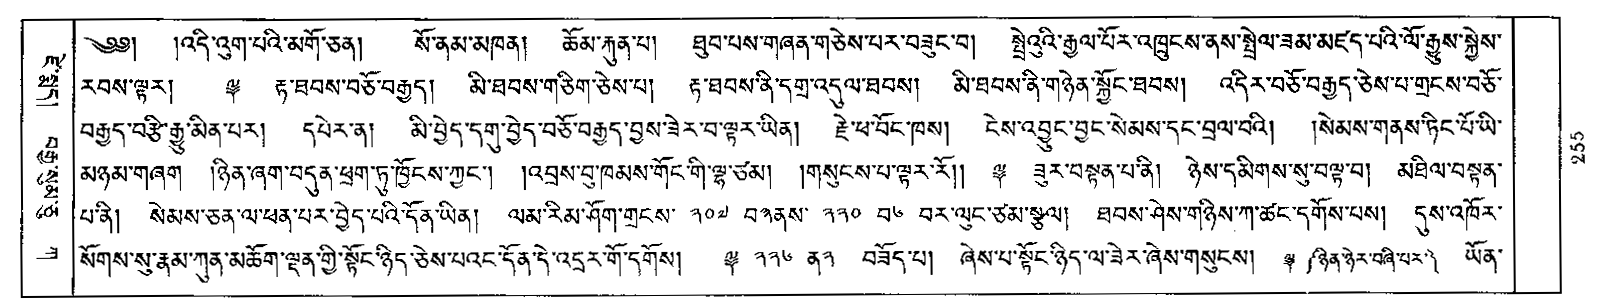༄༅། །འདི་འུག་པའི་མགོ་ཅན། སོ་ནམ་མཁན། ཆོམ་རྐུན་པ། ཐུབ་པས་གཞན་གཅེས་པར་བཟུང་བ། སྤྲེའུའི་རྒྱལ་པོར་འཁྲུངས་ནས་སྤྲེལ་ཟམ་མཛད་པའི་ལོ་རྒྱུས་སྐྱེས་
རབས་ལྟར། ༈ རྟ་ཐབས་བཅོ་བརྒྱད། མི་ཐབས་གཅིག་ཅེས་པ། རྟ་ཐབས་ནི་དགྲ་འདུལ་ཐབས། མི་ཐབས་ནི་གཉེན་སྐྱོང་ཐབས། འདིར་བཅོ་བརྒྱད་ཅེས་པ་གྲངས་བཅོ་
བརྒྱད་བརྩི་རྒྱུ་མིན་པར། དཔེར་ན། མི་བྱེད་དགུ་བྱེད་བཅོ་བརྒྱད་བྱས་ཟེར་བ་ལྟར་ཡིན། རྗེ་ཕ་བོང་ཁས། ངེས་འབྱུང་བྱང་སེམས་དང་བྲལ་བའི། །སེམས་གནས་ཏིང་པོ་ཡི་
མཉམ་གཞག །ཉིན་ཞག་བདུན་ཕྲག་ཏུ་ཁྱོངས་ཀྱང་། །འབྲས་བུ་ཁམས་གོང་གི་ལྷ་ཙམ། །གསུངས་པ་ལྟར་རོ།། ༈ ཟུར་བསྟན་པ་ནི། ཉེས་དམིགས་སུ་བལྟ་བ། མཐིལ་བསྟན་
པ་ནི། སེམས་ཅན་ལ་ཕན་པར་བྱེད་པའི་དོན་ཡིན། ལམ་རིམ་ཤོག་གྲངས ༢༠༧་བ ༣་ནས ༢༢༠་བ ༦་བར་ལུང་ཙམ་སྩལ། ཐབས་ཤེས་གཉིས་ཀ་ཚང་དགོས་པས། དུས་འཁོར་
སོགས་སུ་རྣམ་ཀུན་མཆོག་ལྡན་གྱི་སྟོང་ཉིད་ཅེས་པའང་དོན་དེ་འདྲར་གོ་དགོས། ༈ ༢༢༦་ན ༢་བཟོད་པ། ཞེས་པ་སྟོང་ཉིད་ལ་ཟེར་ཞེས་གསུངས། ༈ ཉིན་ཉེར་བཞི་པར྄་ཡོན་